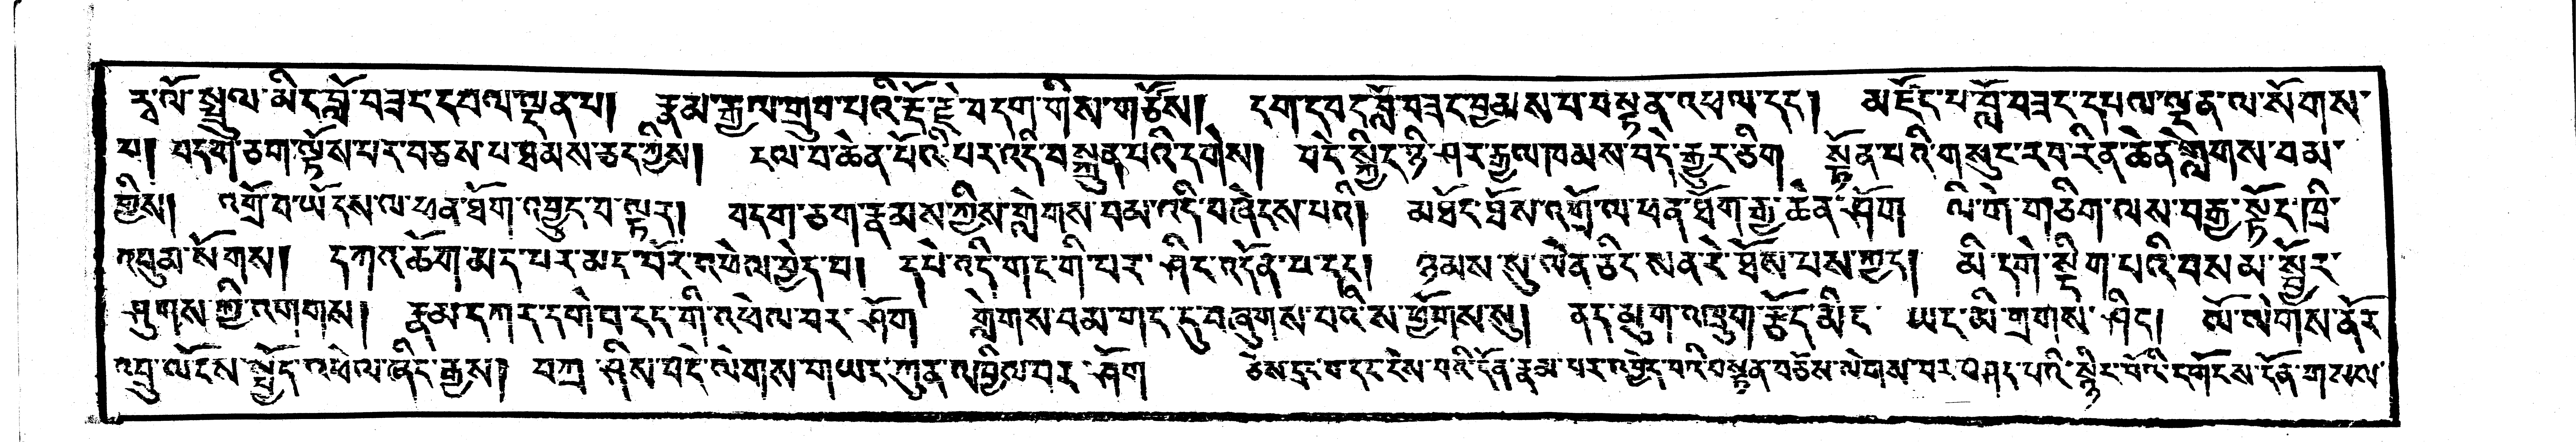རྭ་ལོ་སྤྲུལ་མིང་བློ་བཟང་དཔལ་ལྡན་པ། རྣམ་རྒྱལ་གྲུབ་པའི་རྡོ་རྗེ་བདག་གིས་གཙོས། ངག་དབང་བློ་བཟང་བྱམས་པ་བསྟན་འཕལ་དང་། མཛོད་པ་བློ་བཟང་དཔལ་ལྡན་ལ་སོགས་
པ། བདག་ཅག་ལྟོས་པར་བཅས་པ་ཐམས་ཅད་ཀྱིས། ངལ་བ་ཆེན་པོའི་པར་འདི་བསྐྲུན་པའི་དགེས། བདེ་སྐྱིད་ཉི་ཤར་རྒྱལ་ཁམས་བདེ་རྒྱུར་ཅིག་སྟོན་པའི་གསུང་རབ་རིན་ཆེན་གླེགས་བམ་
གྱིས། འགྲོ་བ་ཡོངས་ལ་ཕན་ཐོག་འབྱུང་བ་ལྟར། བདག་ཅག་རྣམས་ཀྱིས་གླེགས་བམ་འདི་བཞེངས་པའི། མཐོང་ཐོས་འགྲོ་ལ་ཕན་ཐོག་རྒྱ་ཆེན་ཤོག་ལི་གེ་གཅིག་ལས་བརྒྱ་སྟོང་ཁྲི་
འབུམ་སོགས། དཀའ་ཆོག་མད་པར་མང་པོར་འཕེལ་བྱེད་པ། དཔེ་འདི་གང་གི་པར་ཤིང་འདོན་པ་དང་། ཉམས་སུ་ལེན་ཅིང་སན་རེ་ཐོས་པས་ཀྱང་། མི་དགེ་སྡིག་པའི་བསམ་སྦྱོར་
ཤུགས་ཀྱི་འགགས། རྣམ་དཀར་དགེ་བ་དང་གི་འཕེལ་བར་ཤོག་གླེགས་བམ་གང་དུ་བཞུགས་པའི་ས་ཕྱོགས་སུ། ནད་མུག་འཁྲུག་རྩོད་མིང་ཡང་མི་གྲགས་ཤིང་། ལོ་ལེགས་ནོར་
འབྲུ་ལོངས་སྤྱོད་འཕེལ་ཞིང་རྒྱས། བཀྲ་ཤིས་བདེ་ལེགས་གཡང་ཀུན་འཁྱིལ་བར་ཤོག་ཅེས་དྲང་བ་དང་ངེས་པའི་དོན་རྣམ་པར་འབྱེད་པའི་བསྟན་བཅོས་ལེགས་བཤད་པའི་སྙིང་པོའི་དགོངས་དོན་གསལ་